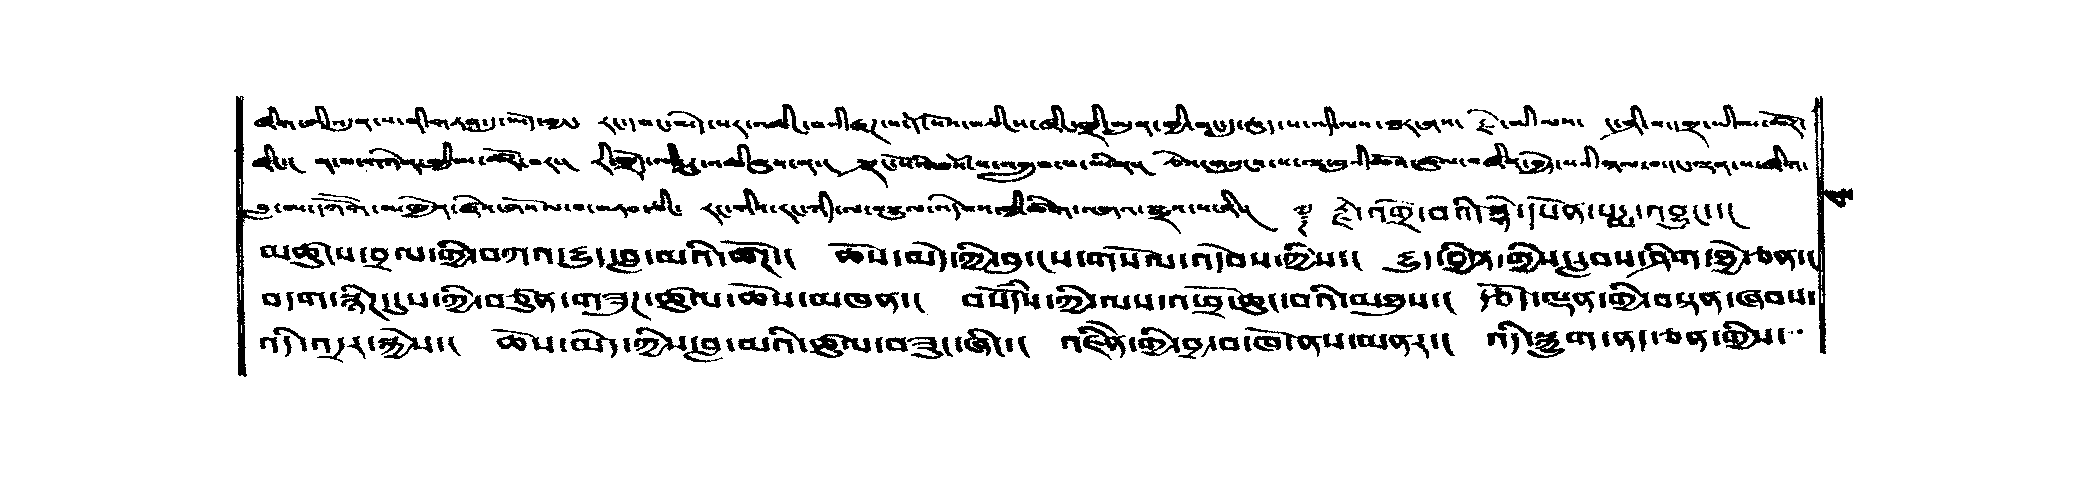ཞིག་གི་འདུན་པ་ནི་གཏན་དུ་ཡོད་ཀྱང་རང་དབང་མེད་པར་འཆིང་བའི་ཞགས་པ་དམ་པོས་བཅིངས་ཞིང་ཁྲི་མུན་གྱི་ནང་དུ་ཆུད་པ་འདི་ལས་ཐར་ནས། རྗེ་མི་ལས། ང་ཤི་བ་དགྲ་ཡིས་མ་ཚོར་
ཞིང་། །ན་བ་གཉེན་གྱིས་མ་ཚོར་བར། །རི་ཁྲོད་འདི་རུ་འཆི་ནུས་ན། །སྤྲང་པོའི་བསམ་པ་འགྲུབ་པ་ཡིན། །ཞེས་གསུངས་པ་ལྟ་བུའི་ཆོས་ཚུལ་བཞིན་བྱེད་པའི་སྐལ་བ་དང་ལྡན་པ་ཞིག་
བླ་མ་དཀོན་མཆོག་མཁྱེན་ཞེས་གསོལ་བ་བཏབ་ཅིང་།རང་གི་རང་ཉིད་ལ་བསྐུལ་འདེབས་ཀྱི་ཚིག་འགའ་སྨྲས་པ་ནི། ༄༅། རྗེ་འགྲོ་བའི་སྡེ་དཔོན་པདྨ་འབྱུང་། །
མཚུངས་བྲལ་གྱི་བཀའ་རྒྱུད་བླ་མའི་ཚོགས། །ཆོས་མེད་ཀྱི་བུ་ངས་གསོལ་འདེབས་ཀྱིས། །རྒྱུད་བྱིན་གྱིས་རློབས་ཤིག་ཐུགས་རྗེ་ཅན། །
བདག་སྙིགས་དུས་ཀྱི་བཙུན་གཟུགས་ཚུལ་ཆོས་མཁན། །བསོད་ནམས་ཀྱི་ལས་འཕྲོ་ཆུང་བའི་མཐུས། །རྩོད་ལྡན་གྱི་བསྟན་ཞབས་
འདི་འདྲར་སྐྱེས། །ཆོས་མེད་ཀྱི་བླ་མའི་ཚུལ་བཟུང་ཞིང་། །འཇིག་རྟེན་གྱི་བྱ་བ་ཁོ་ནས་མནར། །འདི་སྐྱུག་ནད་ཅན་གྱིས་